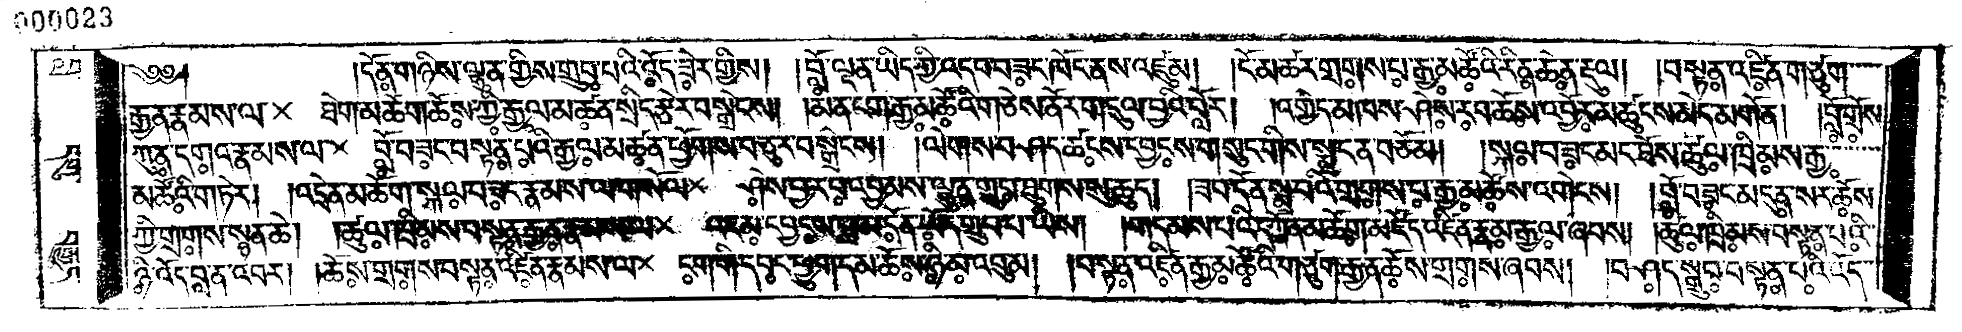༄༅། །དོན྾་གཉིས་ལྷུན་གྱིས་གྲུབ྾་པའི་འོད྾་ཟེར྾་གྱིས། །བློ྾་ལྡན་ཡིད་ཀྱི་འདབ་བཟང྾་ཁོང་ནས་འཛུམ། །ངོ་མཚར་གྲགས྾་པ྾་རྒྱ྾་མཚོའི྾་རིན྾་ཆེན྾་རྡུལ། །བསྟན྾་འཛིན྾་གཙུག་
རྒྱན་རྣམས་ལ་྾་ཐེག་མཆོག་ཆོས྾་ཀྱི྾་རྒྱལ྾་མཚན྾་སྲིད་རྩེར་བསྒྲེངས། །མན་ངག་རྒྱ྾་མཚོའི྾་གཅེས་ནོར་གདུལ་བྱའི་བློར། །འགྱེད་མཁས་ཤེས྾་རབ྾་ཆོས྾་འབྱོར྾་མཚུངས་མེད་མགོན། །བློ྾་གྲོས྾་
ཀུན྾་དགའ྾་རྣམས་ལ་྾་བློ྾་བཟང྾་བསྟན྾་པའི྾་རྒྱལ྾་མཚན྾་ཕྱོགས་བཅུར་བསྒྲེངས། །ལེགས་བཤད་ཚངས྾་དབྱངས྾་གསུང་གིས་སྨྲ་ངན་བཅོམ། །སྐལ྾་བཟང྾་མང་ཐོས་ཚུལ྾་ཁྲིམས྾་རྒྱ྾་
མཚོའི྾་གཏེར། །འདྲེན་མཆོག་སྐལ྾་བཟང྾་རྣམས་ལ་གསོལ྾་ཤེས྾་བྱ་རབ྾་འབྱམས་ལྷུན྾་གྲུབ྾་ཐུགས་སུ་ཆུད། །ཟབ་དོན་སྨྲ་བའི་གྲགས྾་པ྾་རྒྱ྾་མཚོས྾་འགེངས། །བློ྾་བཟང྾་མདུན་སར་ཆོས྾་
ཀྱི་གྲགས྾་སྙན་ཆེ། །ཚུལ྾་ཁྲིམས྾་བསྟན྾་རྒྱན྾་རྣམས་ལ་྾་འཇམ྾་དབྱངས྾་བླ་མ་དོན྾་ཡོད྾་གྲུབ་པ་ཡིས། །གདམས་པའི་དཀོན྾་མཆོག྾་མཛོད་འཛིན་རྣམ྾་རྒྱལ྾་ཞབས། །ཚུལ྾་ཁྲིམས྾་བསྟན྾་པའི྾་
ཉི྾་འོད་བླ་ན་འབར། །ཆོས྾་གྲགས྾་བསྟན྾་འཛིན྾་རྣམས་ལ་྾་ངག྾་གི་དབང྾་ཕྱུག་དམ་ཆོས྾་ཉི྾་མ྾་འབུམ། །བསྟན྾་འཛིན྾་རྒྱ྾་མཚོའི྾་གཙུག་རྒྱན་ཆོས྾་གྲགས྾་ཞབས། །བཤད྾་སྒྲུབ྾་བསྟན྾་པའི྾་འོད་